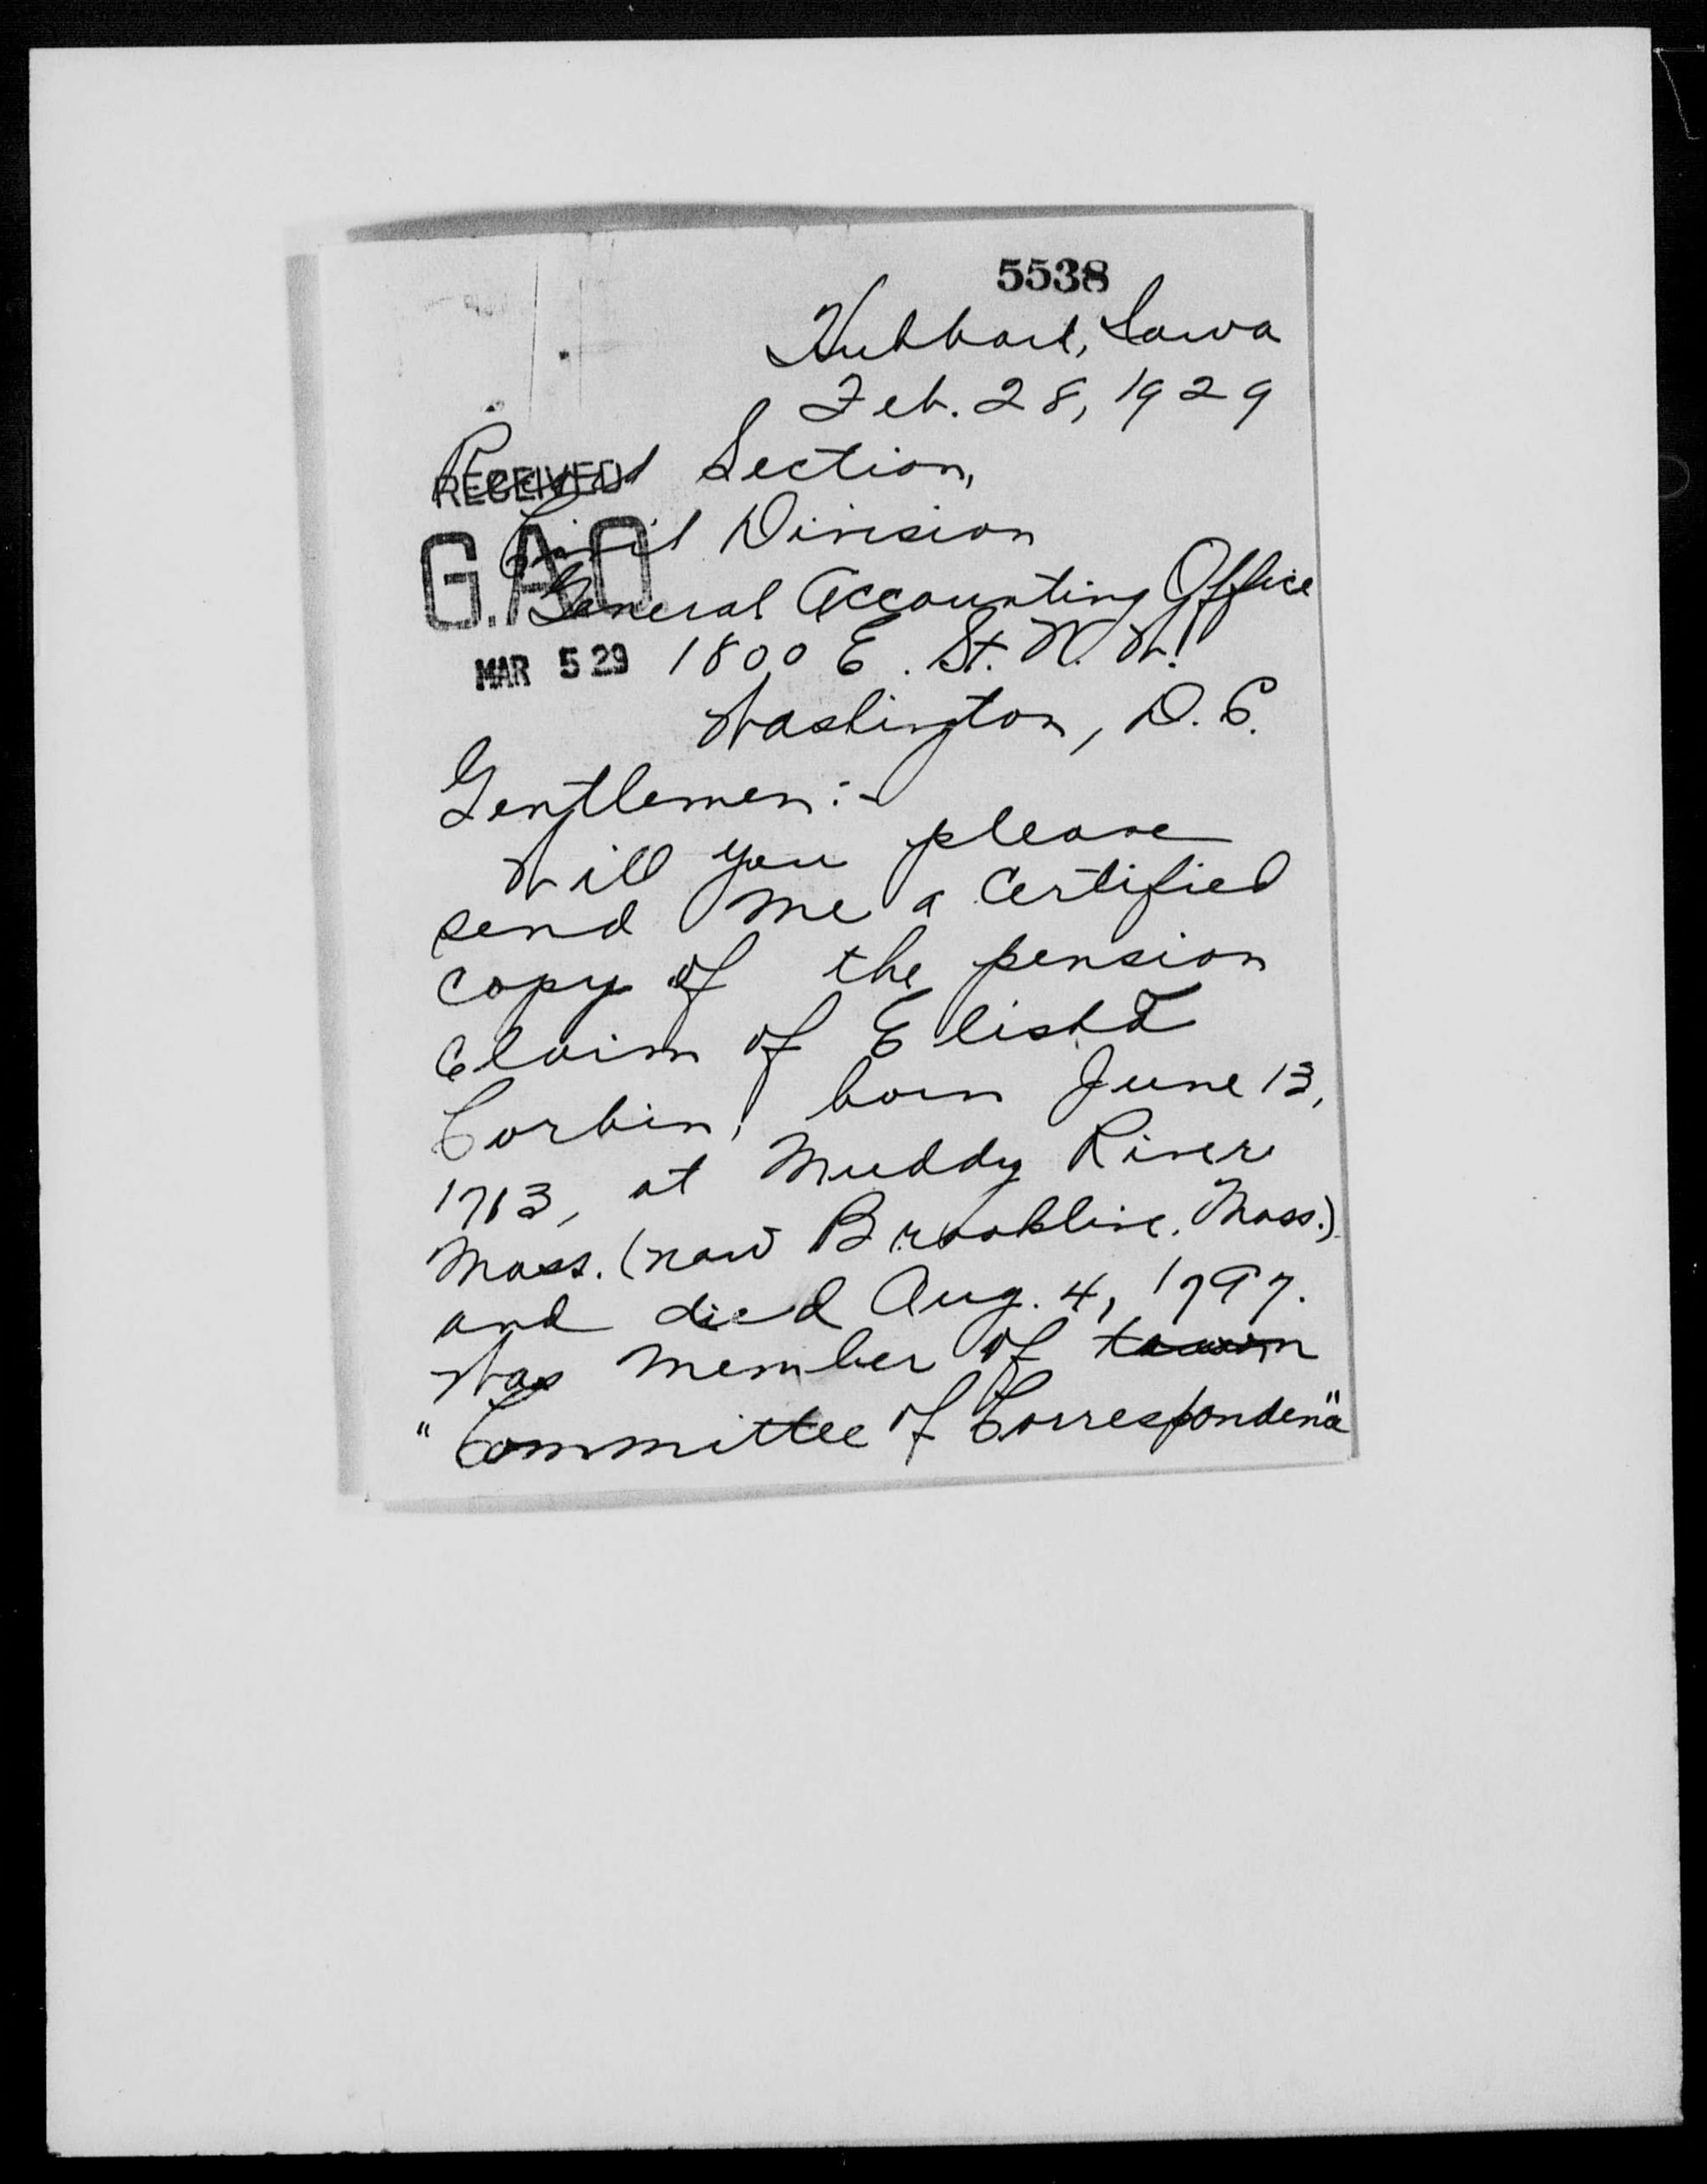(stamped) 5538
(stamped) Received GAO Mar 5, 29

Hubbard, Iowa
Feb. 28, 1929
Records Section
Civil Division
General Accounting Office
1800 E. St. NW
Washington DC 

Gentlemen:
Will  you please send me a certified copy of the pension claim of the Elisha Corbin born June 13, 1713, at Muddy River Mass (New Brookline, Mass.) and died Aug. 4, 1797. Was member of the "committee of Correspondence"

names: Elisha Corbin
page: 21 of 34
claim: survivor's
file: S. 12581, Joshua Corbin, Mass.